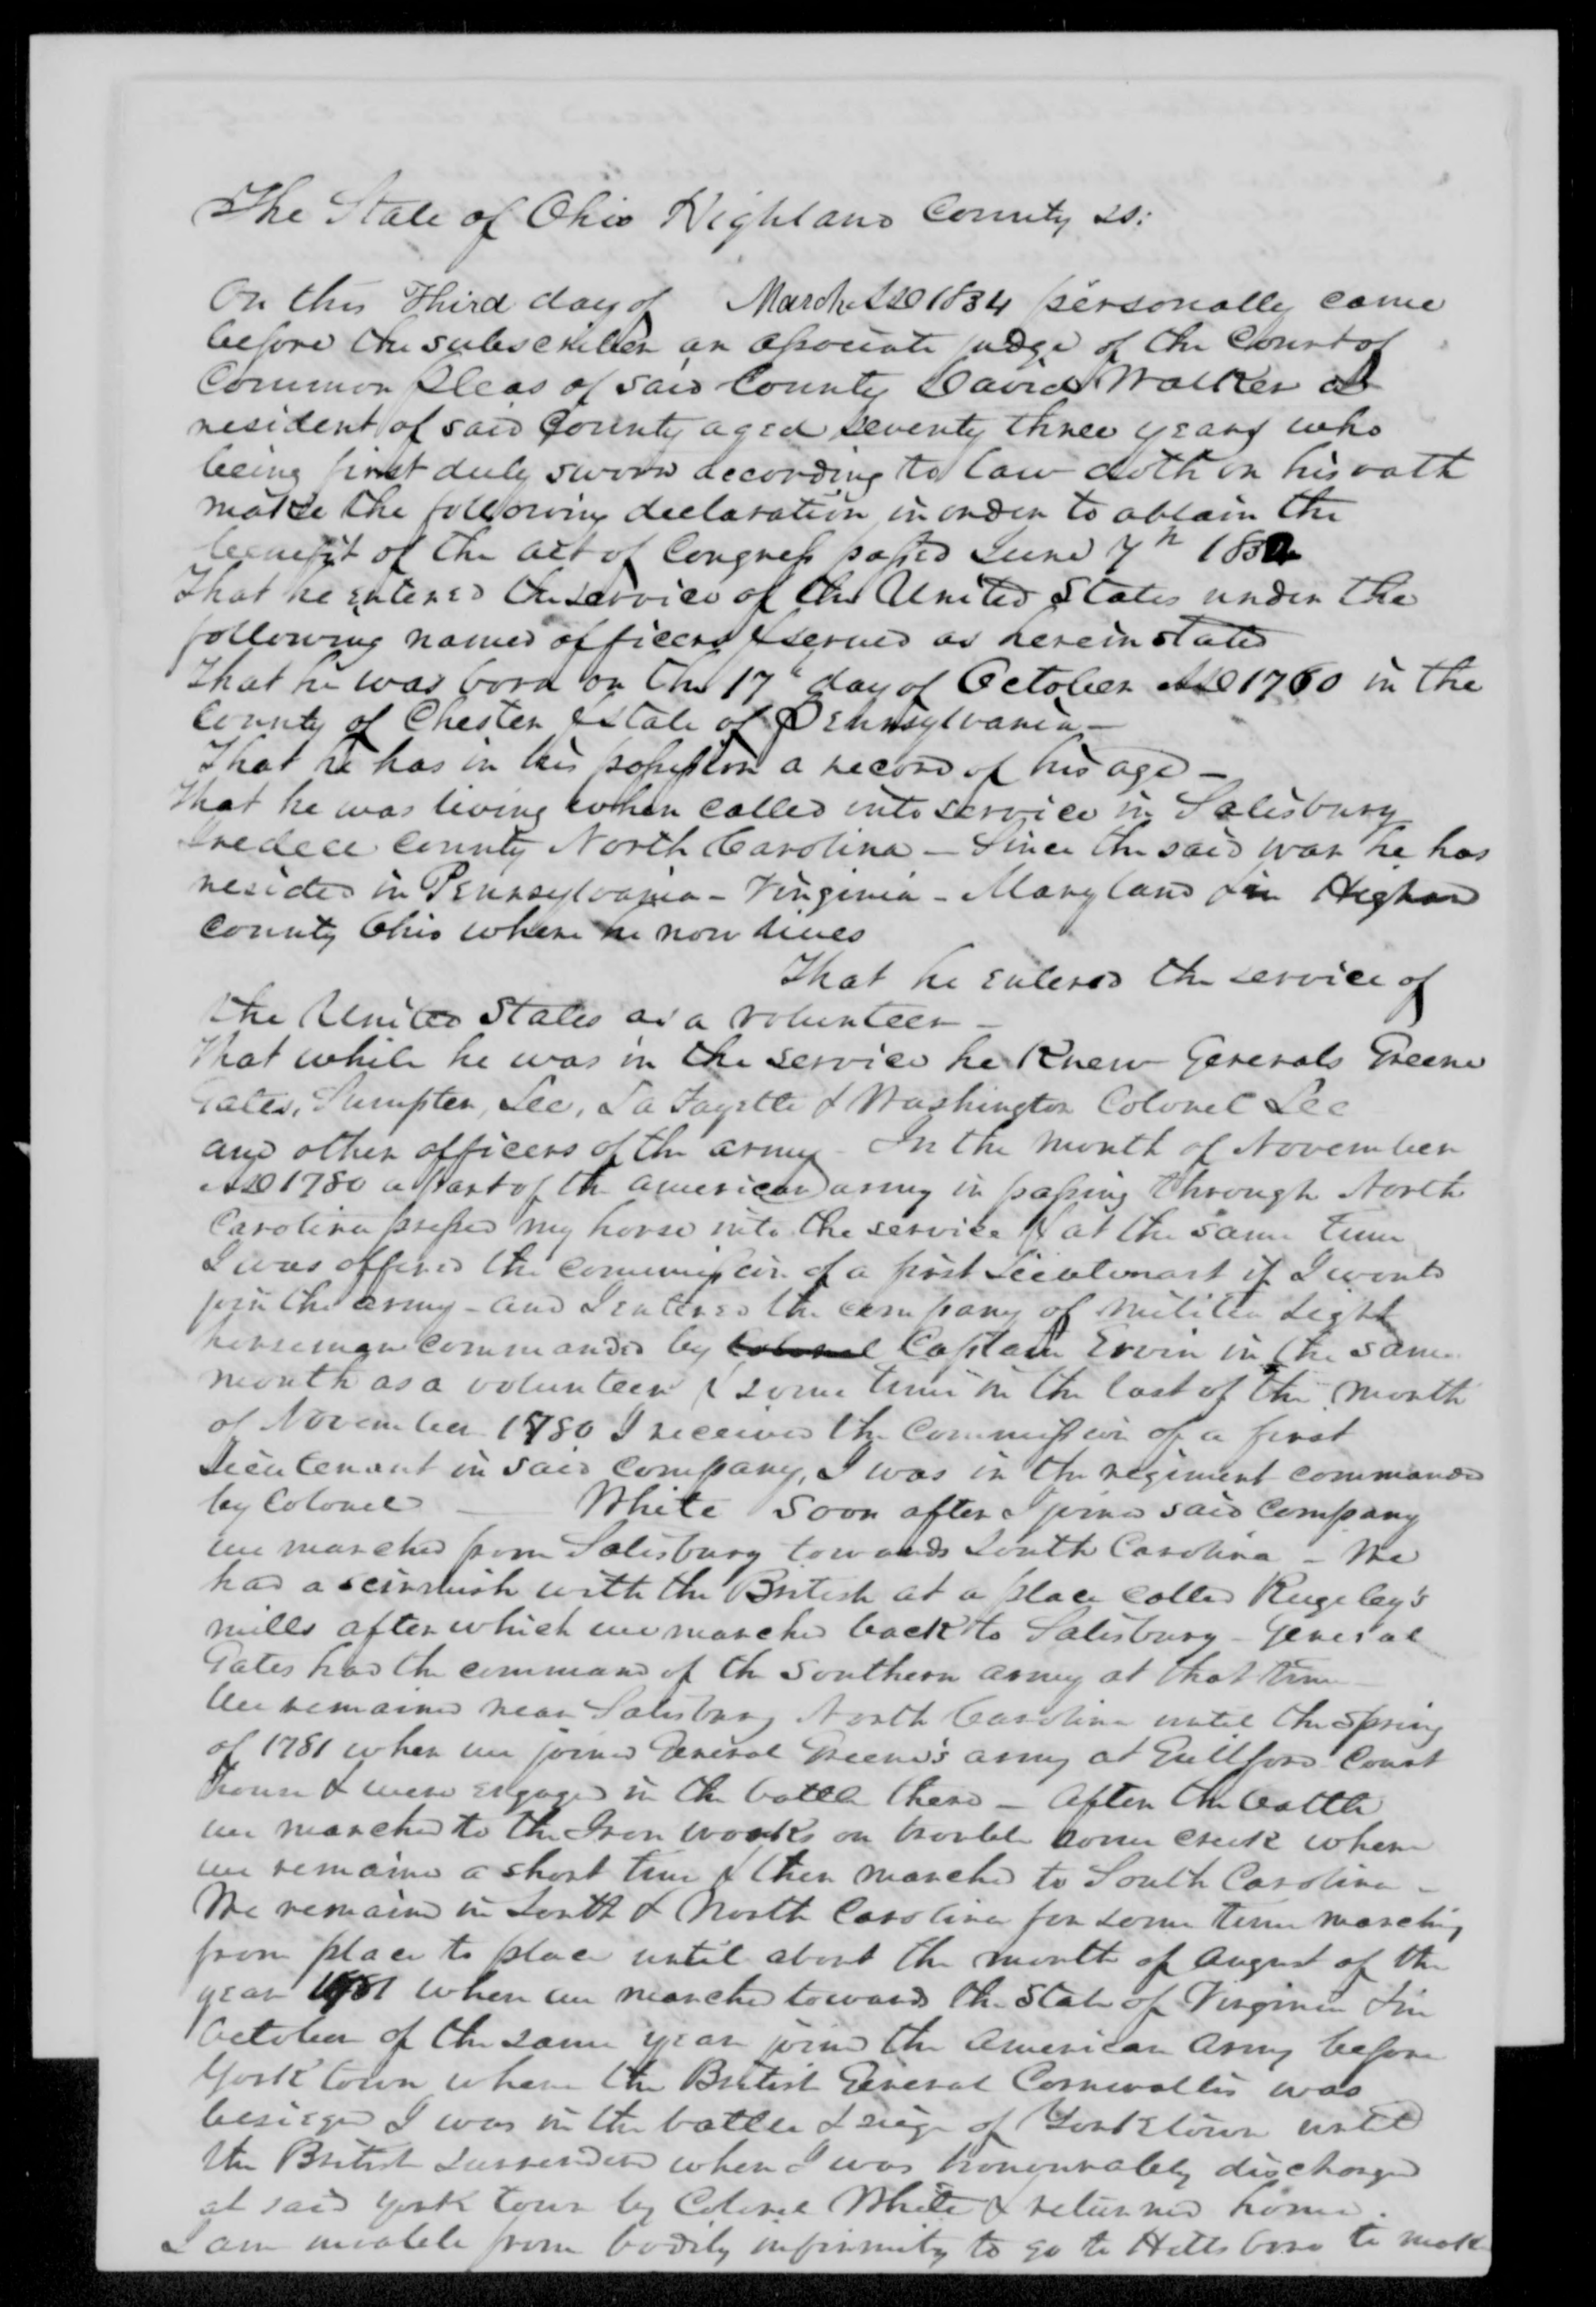The State of Ohio 
Highland County 
On this Third day of March A D 1834 personally came before the subscriber an associate Judge of the Court of Common Pleas of said County David Walker resident of said County aged seventy three years who being first duly sworn according to law doth on his oath make the following declaration in order to obtain the benefit of the act of Congress passed June 7th 1836.
That he entered service of the United States under the following named officers & served as herein stated: 
That he was born on the 17th day of October AD 1760 in the County of Chester Estate of Pennsylvania.
That he has in his possession a record of his age.
That he was living when called into service in Salisbury Rowan County North Carolina - Since the said war he has resided in Pennsylvania, Virginia, Maryland & in Highland County Ohio where he now lives.
That he entered the service of the United States as a volunteer.
That while he was in the service he knew Generals Greene, Sumpter Lee, La Fayette & Washington Colonel Lee, and other officers of the army. In the month of November AD 1780 apart of the American army in passing through North Carolina pressed my house into the service at the same time I was offered the Commission of a first Lieutenant if I would join the army - and I rather the company of Milita Light horsemen commanded by Captain Ervin in the same month as a volunteer sometime in the last of the month of November 1880 I received the Commission of a first Lieutenant in said Company, I was in the regiment commanded by Colonel White soon after I had said company we marched from Salisbury towards South Carolina. We had a skirmish with the British at a place called [Illegible] after which we marched back to Salisbury. General Gates had the command of the Southern army at that time he remained near Salisbury North Carolina until the spring of 1781 when he joined General Green's army at Guilford Courthouse & were engaged in the battle there. after the battle we marched to the Iron Works on [Illegible] where we remained a short time & then marched to South Carolina We remain in South & North Carolina for some time marching from place to place until about the month of August of the year 1781 when he marched towards the State of Virginia & in October of the same year in the American army before Yorktown where the British General Cornwallis was besieged. I was in the battle & siege of Yorktown when the British surrendered [and] I was honorably discharged at said Yorktown by Colonel White & returned home.
I am unable from bodily infirmity to [Illegible]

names: Washington, Sumpter, White, David Walker, Gates, La Fayette, Lee, White, Greene, Lee, Ervin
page: 9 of 37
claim: rejected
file: R. 11047, David Walker, N.C.